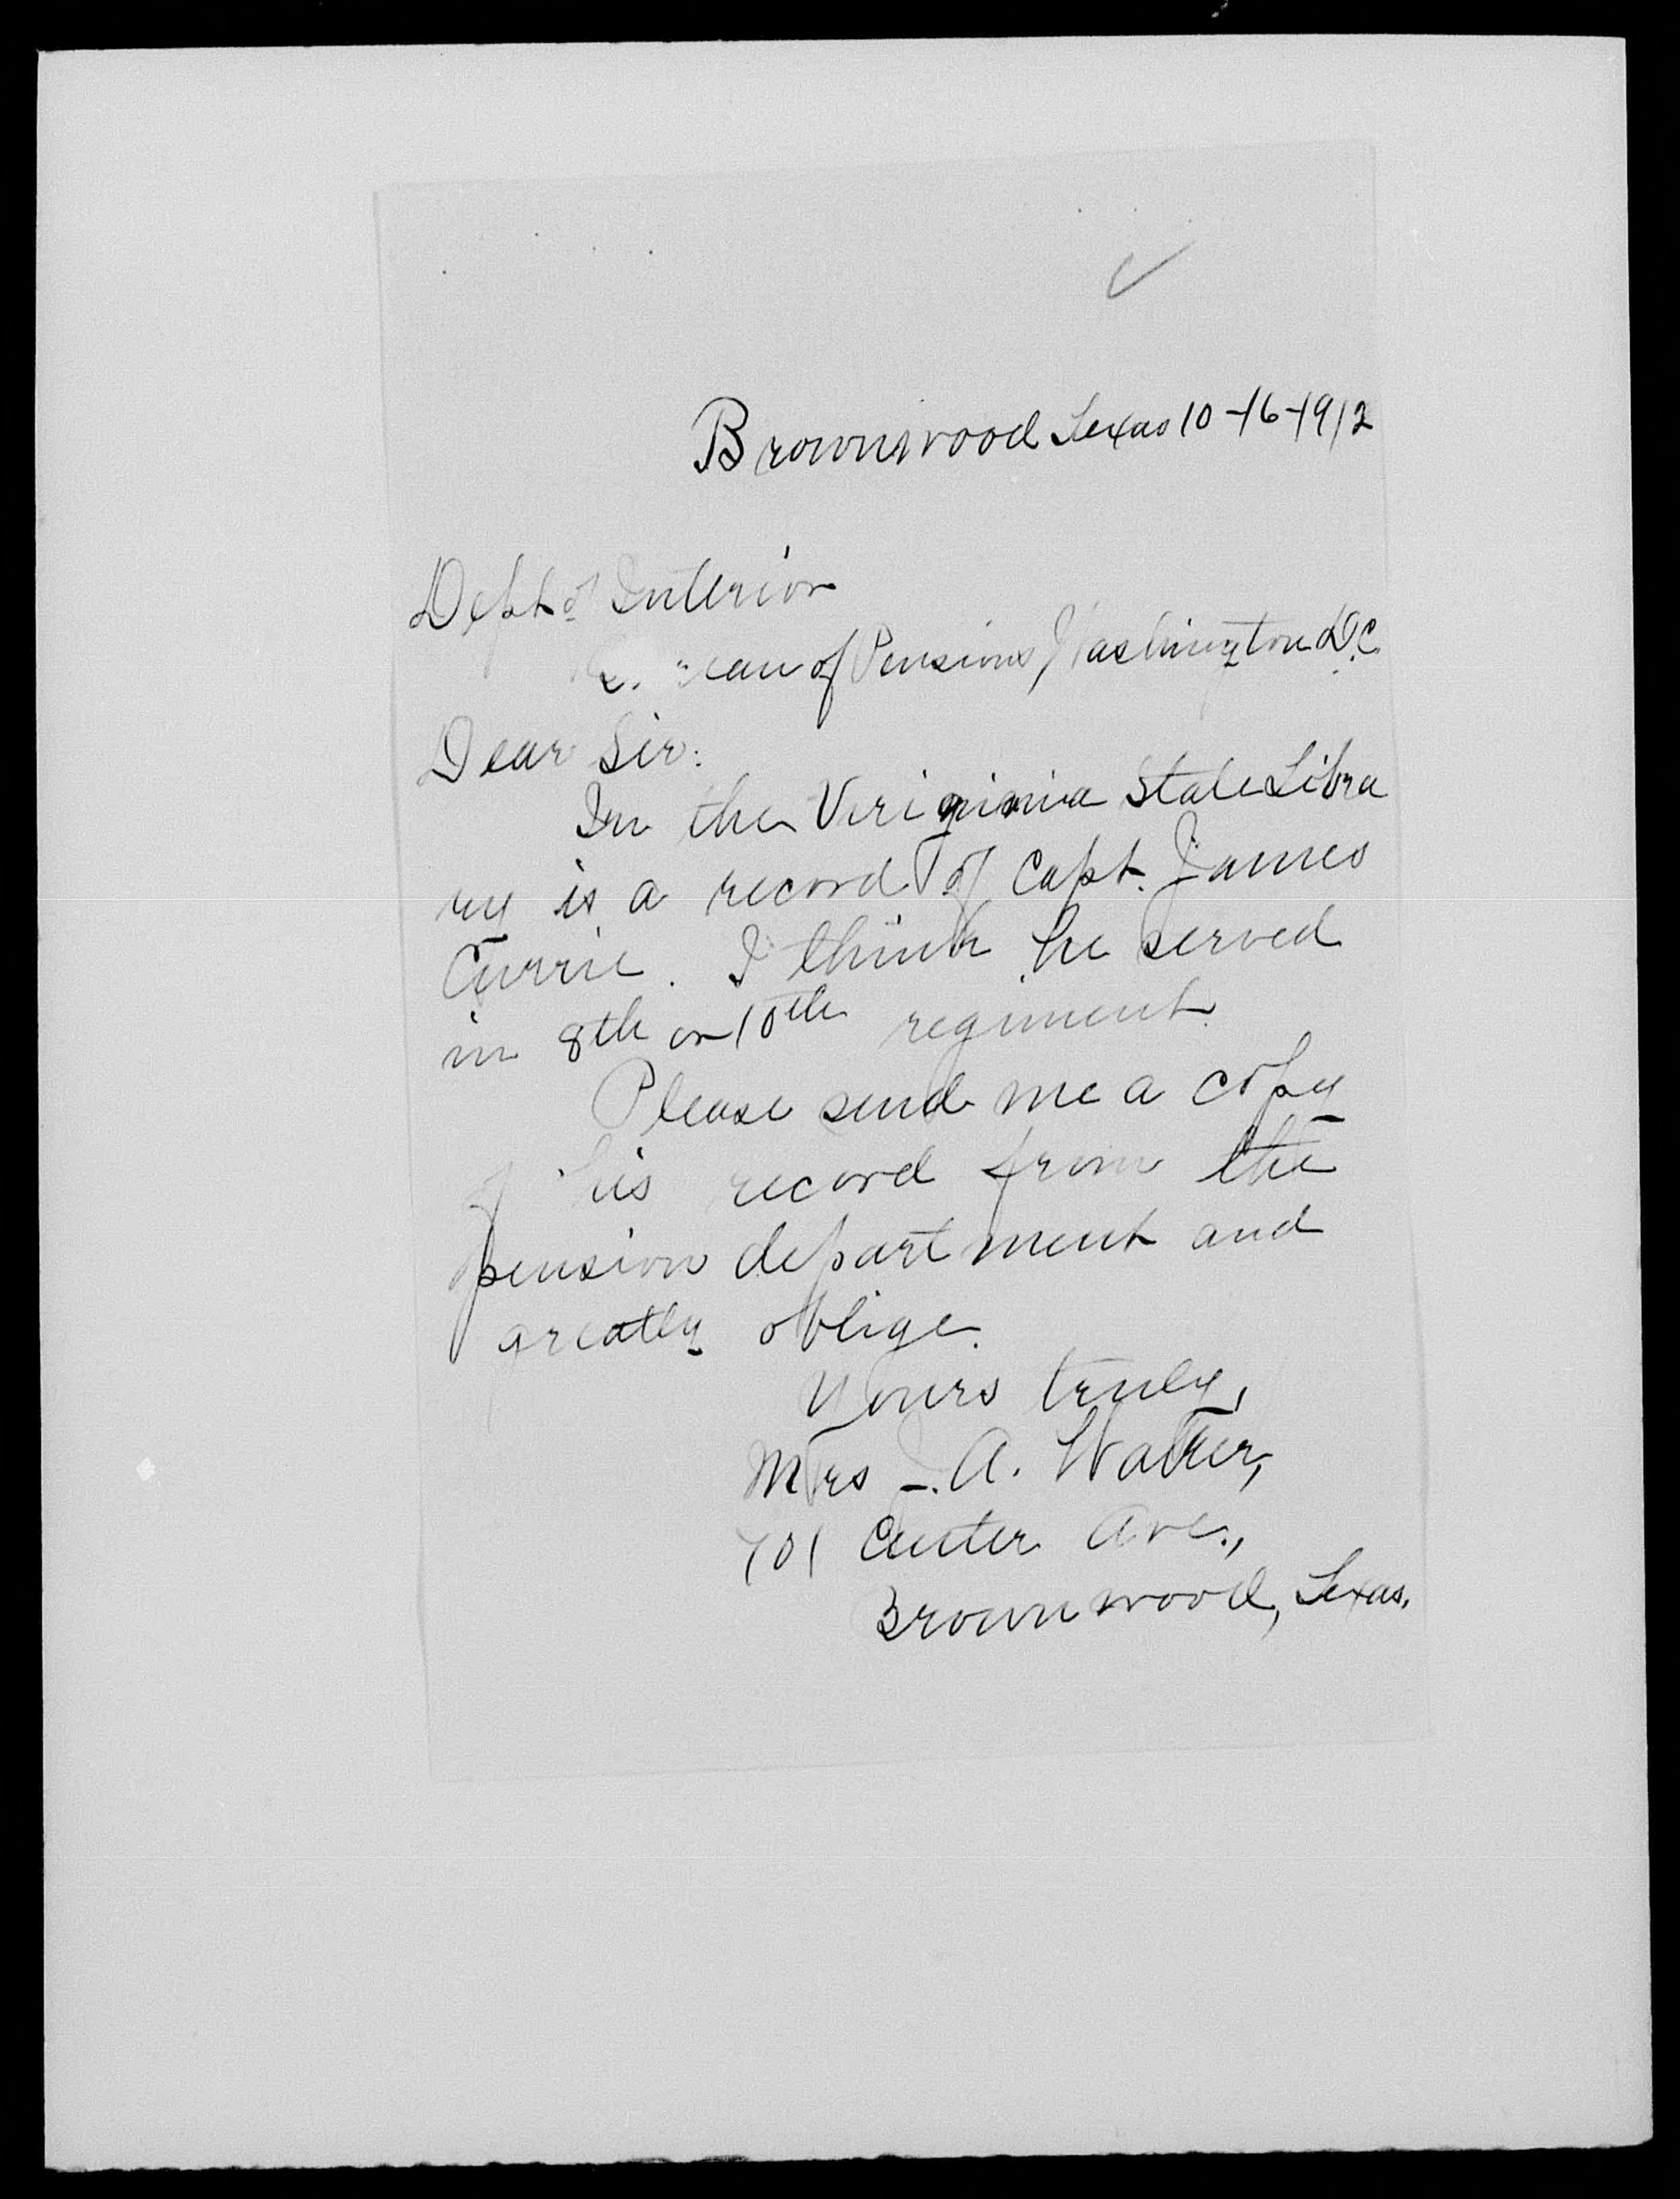Brownwood Texas 10-16-1912
Dept of Interior
[illegible]of Pensions, Washington DC
Dear Sir
In the Virginia State Library is a record of Capt. James Currie.
I think he served in 
8th or 10th regiment.
Please send me a copy
of his record from the
pension department and
greatly
oblige.
yours truly,
Mrs. J. A. Walker,
701 Center Ave.
Brownwood, Texas,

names: James Currie, A Walker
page: 22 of 32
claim: survivor's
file: S. 44230, James Curry, Va.